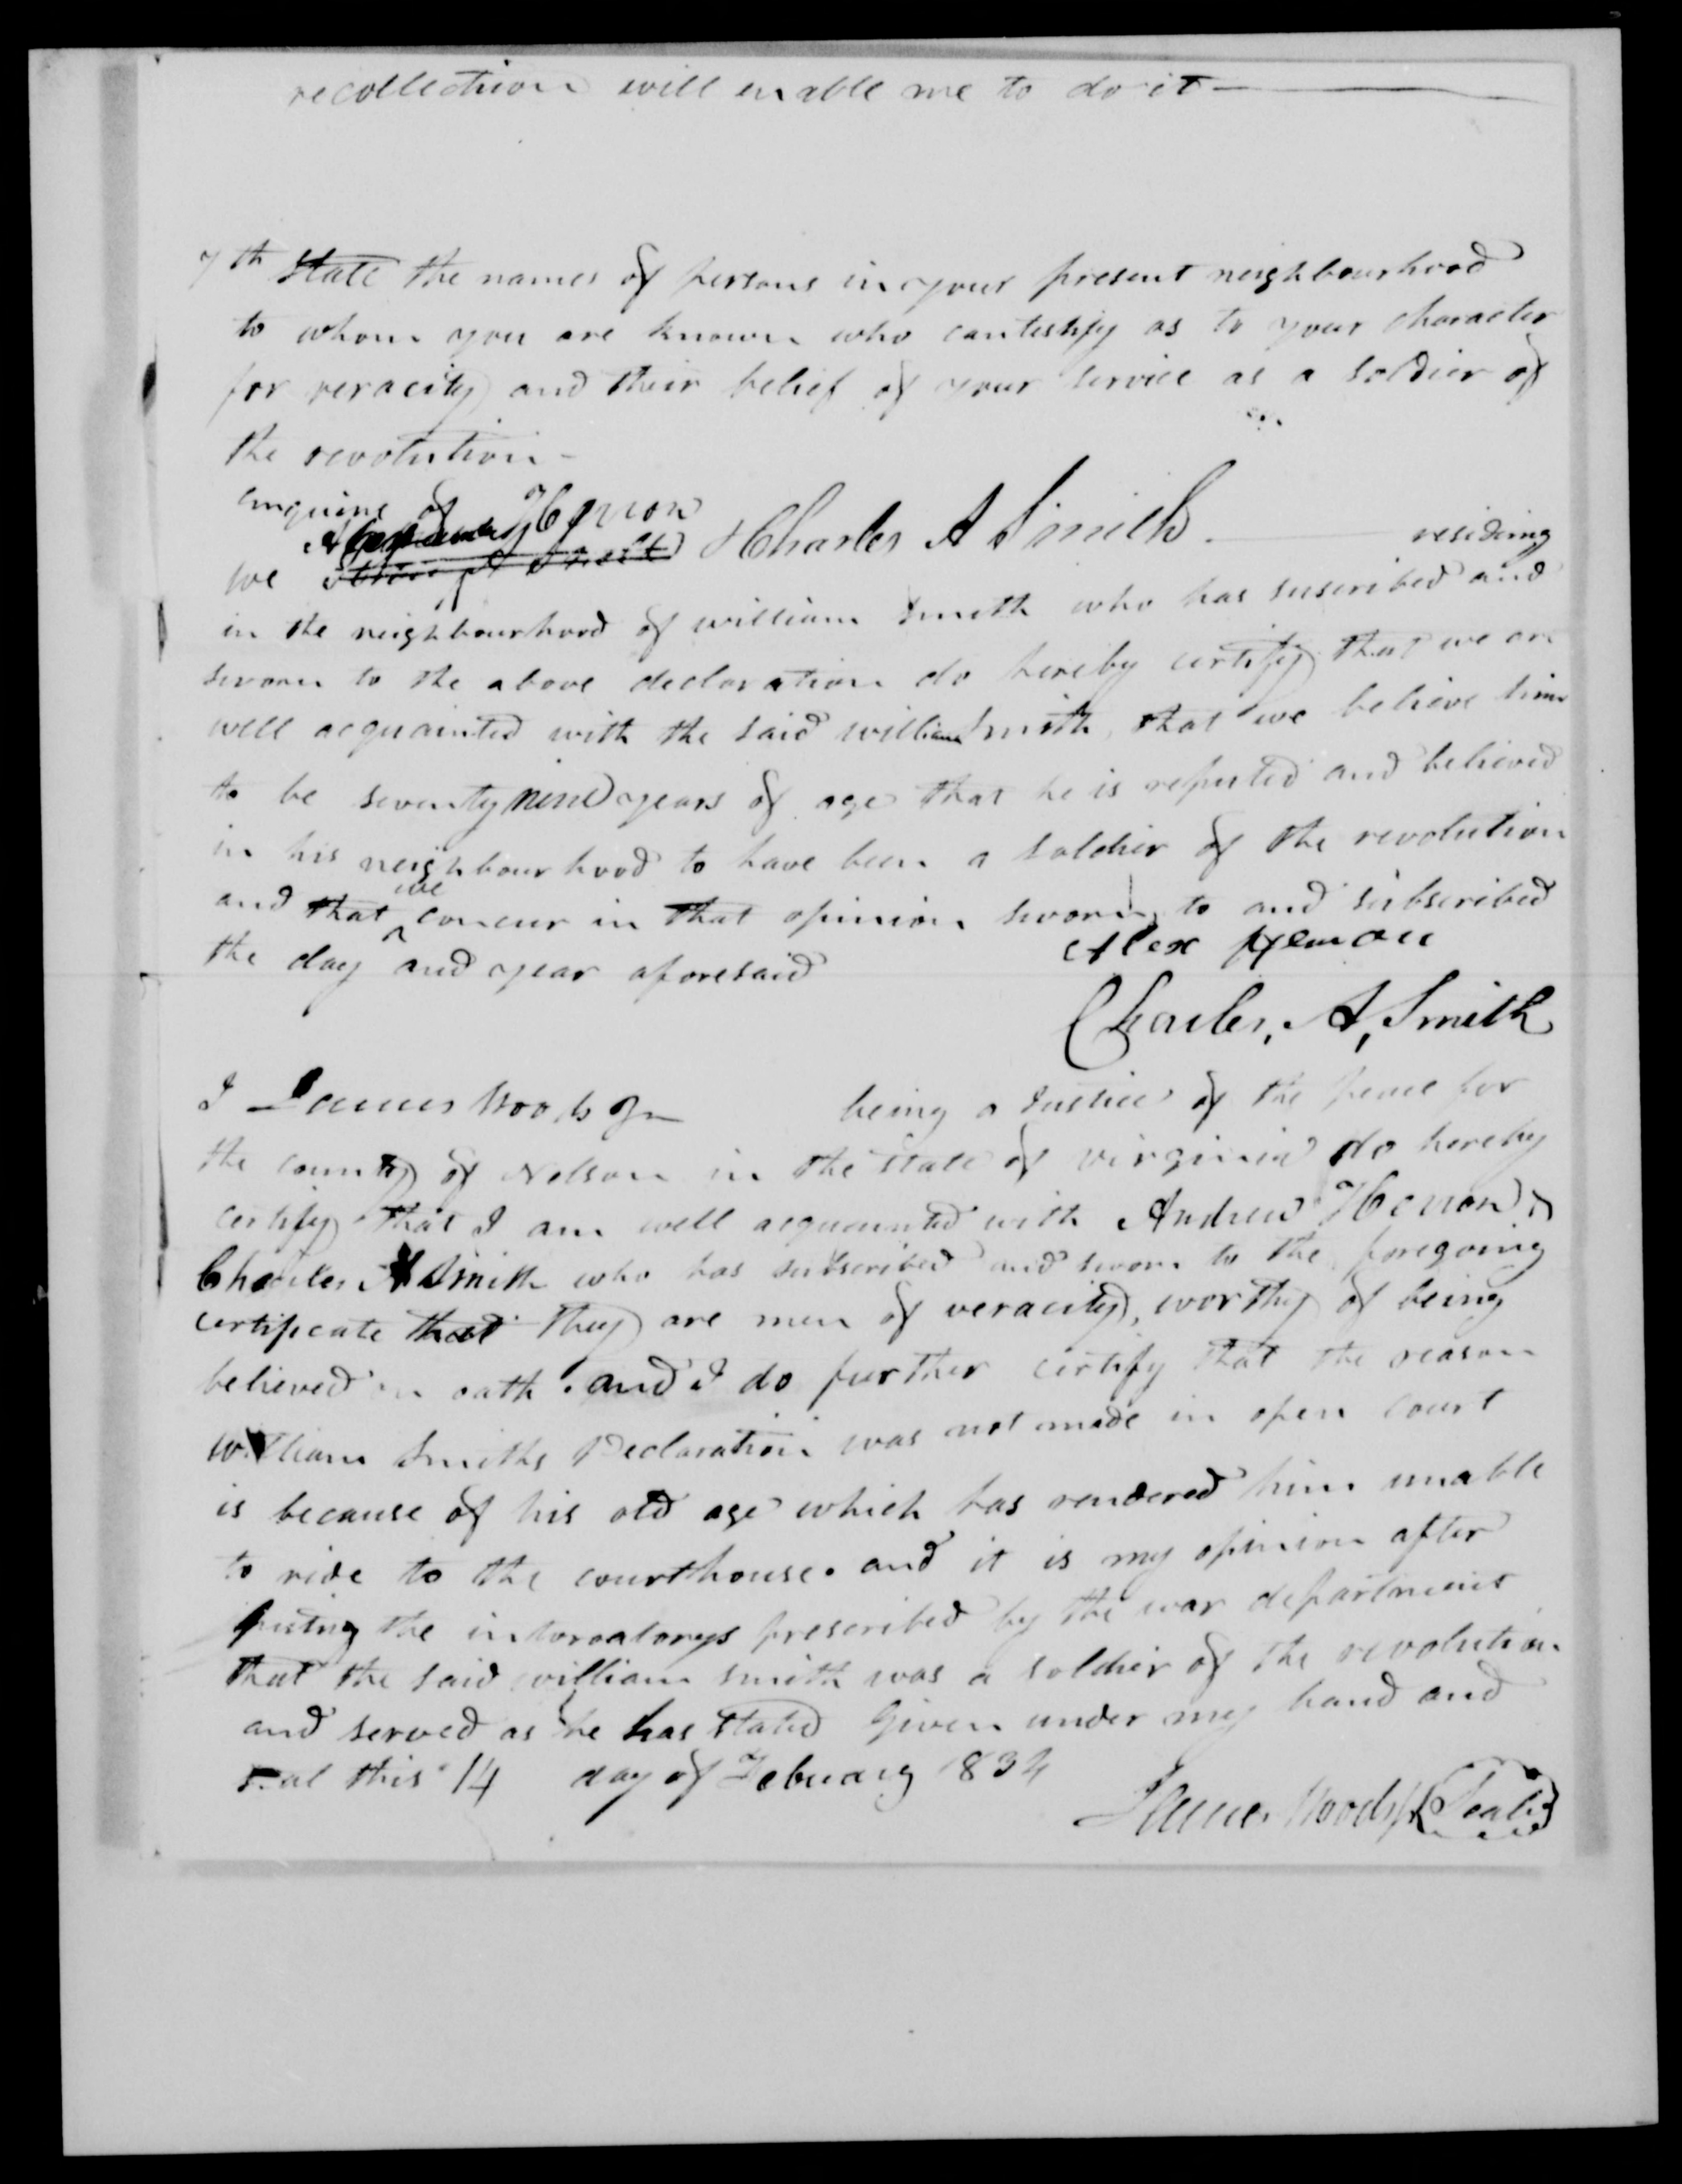recollection will enable me to do it

7th State the names of persons in your present neighborhood to whom you are known who can testify as to your character for veracity and their belief of your service as a soldier of the revolution -

We Alexander Heman & Charles A Smith residing in the neighborhood of William Smith who has subscribed and sworn to the above declaration do hereby certify that we are well acquainted with the said William Smith, that we believe him to be seventy nine years of age that he is reputed and believed in his neighborhood to have been a soldier of the revolution and that we concur in that opinion sworn to and subscribed the day and year aforesaid
Alex Hemall
Charles, A, Smith

I James Woods Jr being a Justice of the Peace for the county of Nelson in the State of Virginia do hereby certify that I am well acquainted with Andrew Heman & Charles A Smith who has subscribed and sworn to the foregoing certificate that they are men of veracity, worthy of being believed on oath and I do further certify that the reason William Smiths Declaration was not made in open Court is because of his old age which has rendered him unable to ride to the courthouse and it is my opinion after putting the interrogatories prescribed by the war department that the Said William Smith was a soldier of the revolution and served as he has stated Given under my hand and seal this 14 day of February 1834
James Woods Jr {Seal}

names: Charles A Smith; James Woods; Alexander Herron; William Smith; Charles A Smith; Alex Heman; William Smith; William Smith; William Smiths; Andrew Herron; James Woods; Charles A Smith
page: 5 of 22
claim: widow's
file: W. 4,806, for William Smith, Virginia